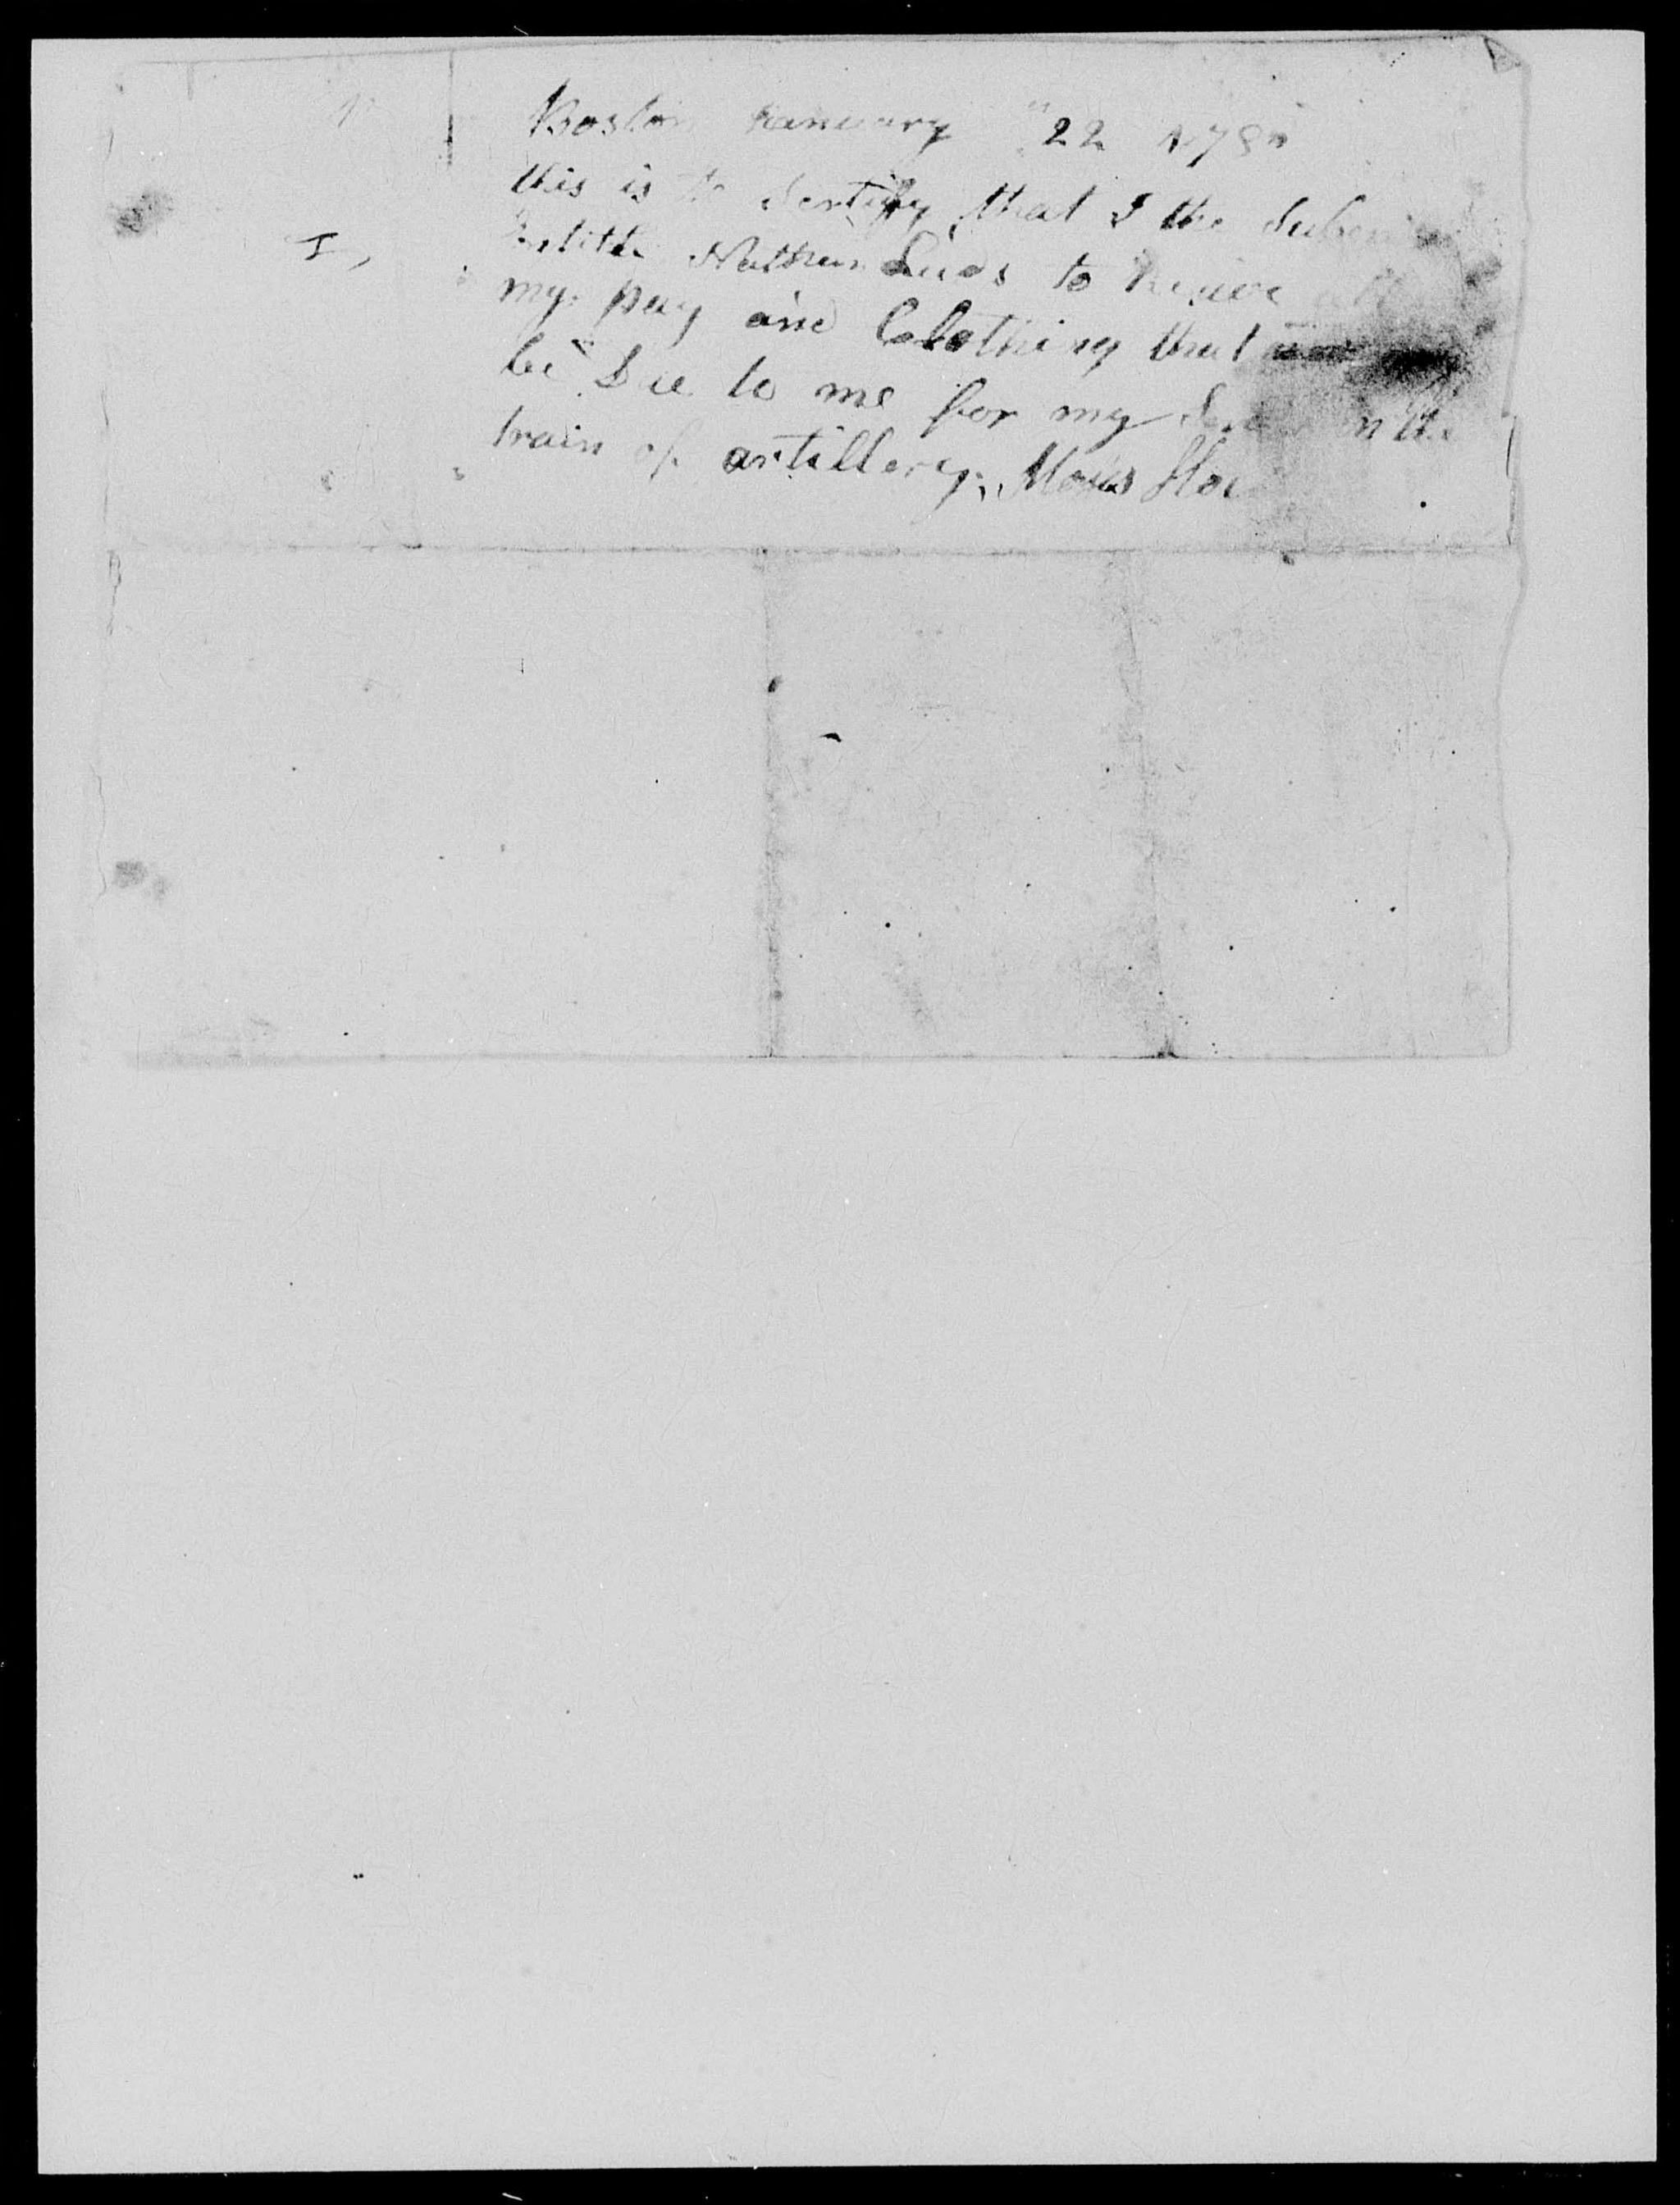Boston January 22 1781
this is to testify that I the sub[illegible]
[illegible] Nathan Leeds to receive all
my pay and clothing that
be due to me for my service in the train of Artillery, Mass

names: Moses How; Nathan Leeds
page: 12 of 33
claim: widow's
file: W. 21,567, for Nathan Leeds, Massachusetts